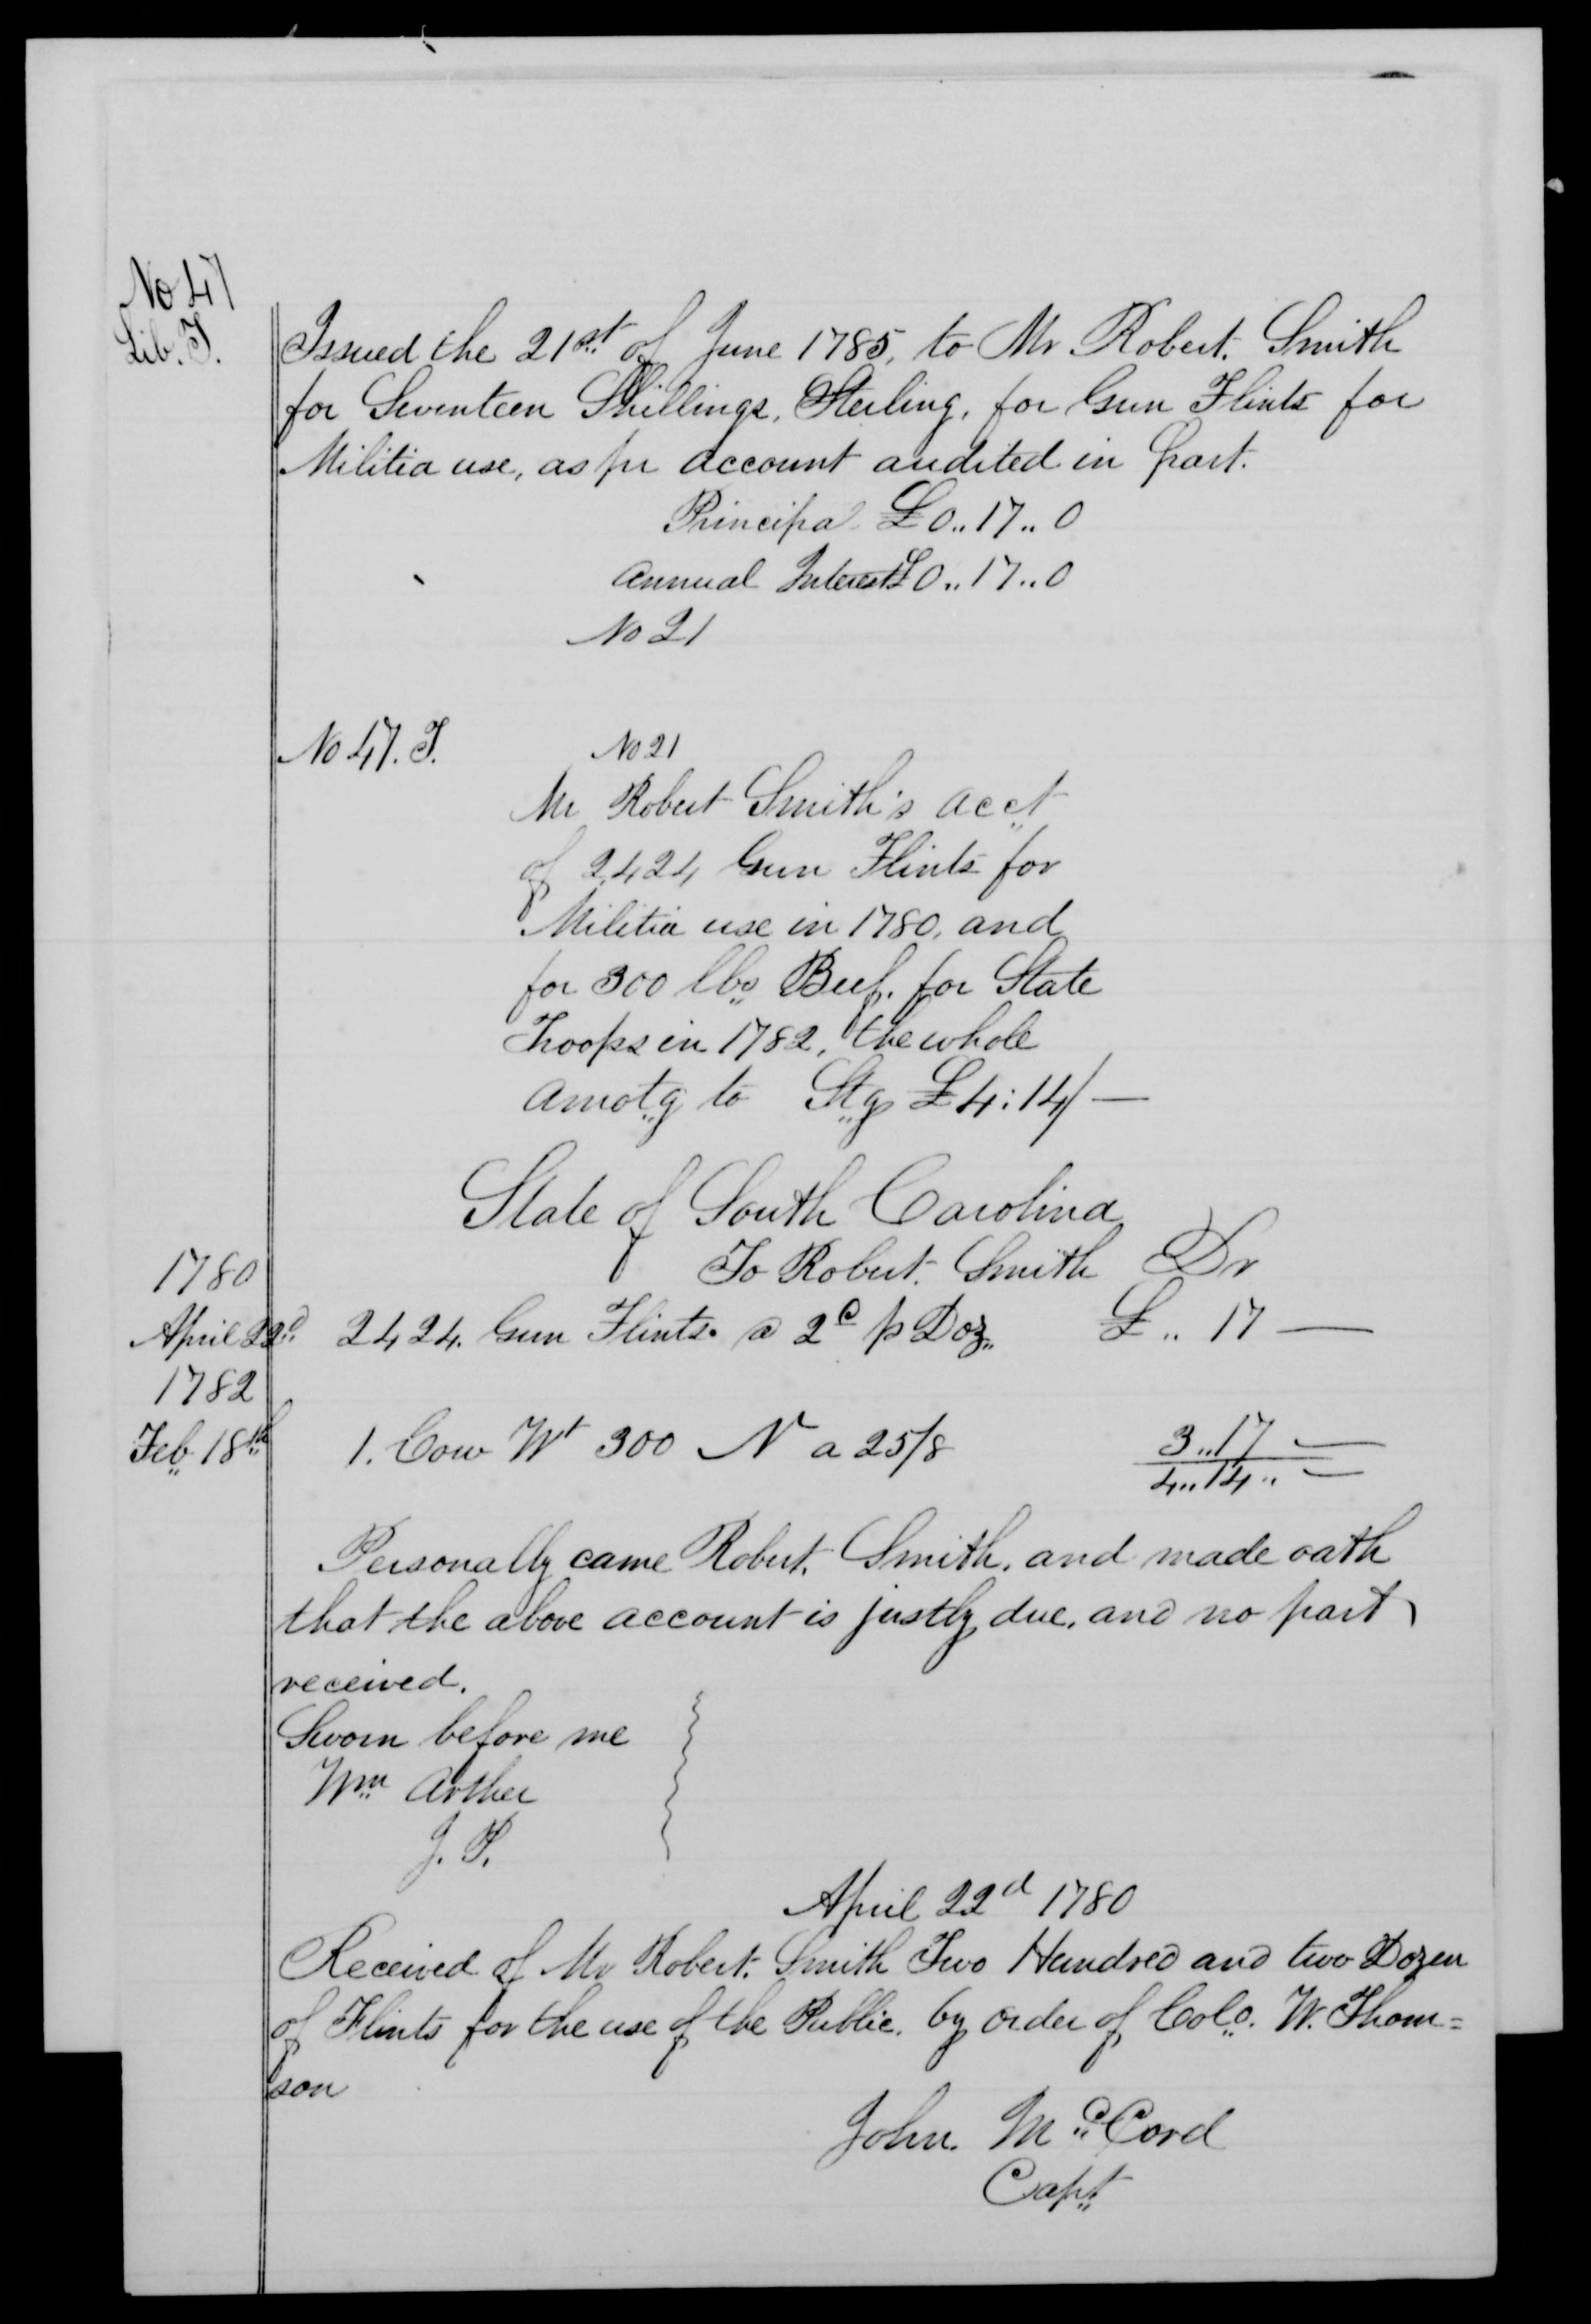No 47 - Lib T

Issued the 21st of June 1785 to Mr Robert Smith for Seventeen Shillings, Sterling, for gun flints for Militia use, as for account audited in past.

Principal   17.0
Annual interest  17.0
No 21

No 47.T - No 21
Mr Robert Smith's acct of 21,21 gun flints for militia use in 1780 and for 300 lbs beef for state troops in 1782, the whole amt't to Shls  L4:14

State of South Carolina
To Robert Smith

1780 April 22nd   2424 Gun Flints @ 2 p doz   L 17.00
1782 Feb 18     1 Cow Wt 300 N @ 25/8           3,17
4,14

Personally came Robert Smith and made oath that the above account is justly due and no part received.

Sworn before me ... Wm Arthur, JP

April 22, 1780

Received of Mr Robert Smith, Two hundred and two dozen of flints for the use of the Public by order of Col W Thomson

John McCord, Capt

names: Robert Smith; John Mc Cord; Wm Arther; W Thomson; Robert Smith; Robert Smith; Robert Smith; Robert Smith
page: 15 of 28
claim: rejected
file: R. 9744, for Robert Smith, South Carolina